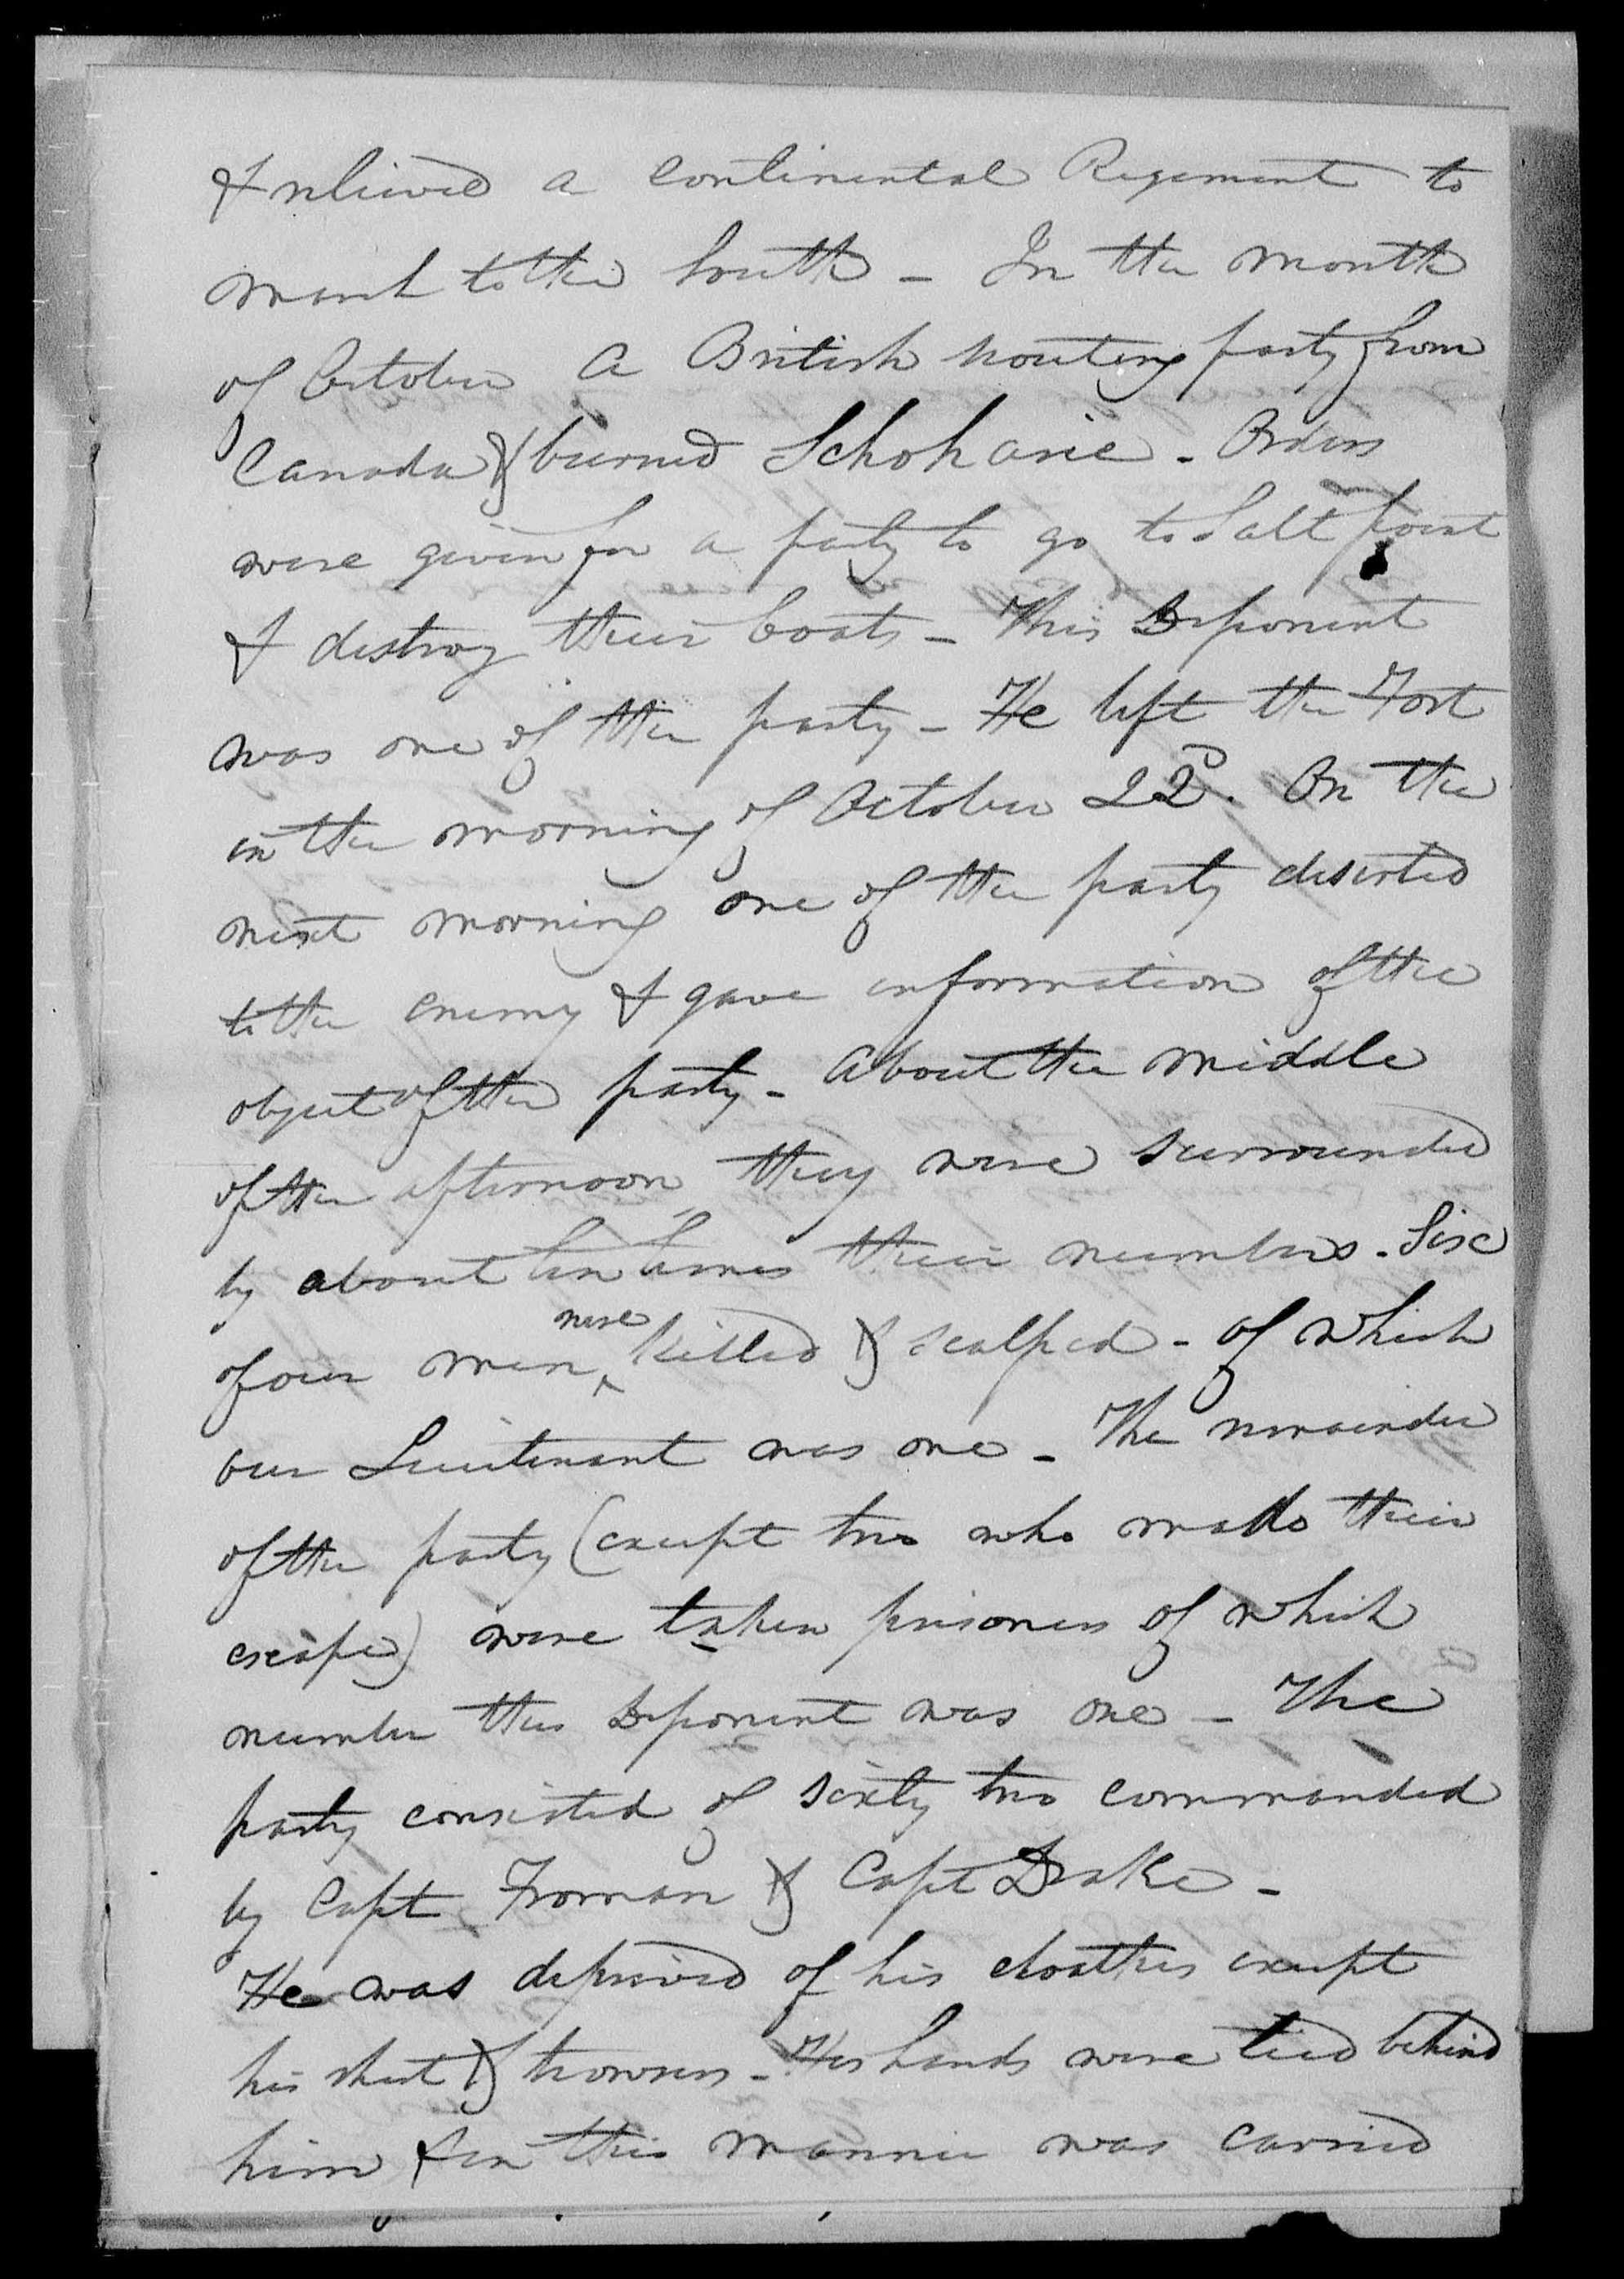& relieved a continental Regiment to march to the South - In the month of October a British scouting part from Canada & burned Schoharie. Orders were given for a party to go to salt point & destroy their boats - This Deponent was one of the party - He left the Fort in the morning of October 22d. On the next morning one of the party deserted to the enemy & gave information of the object of the party - about the middle of the afternoon, they were surrounded by about ten times their numbers. Six of our men were killed & scalped - of which our Lieutenant was one - the remainder of the party (except two who made their escape) were taken prisoners of which number this Deponent was one - The party consisted of sixty two commanded by Capt Froman [Vroman?] & Capt Drake –
He was deprived of his cloathes except for shirt & trousers. His hands were tied behind him & in this manner was carried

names: [BLANK] Drake; [BLANK] Froman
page: 9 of 26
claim: survivor's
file: S. 13,625, for Isaiah Keeler, New York